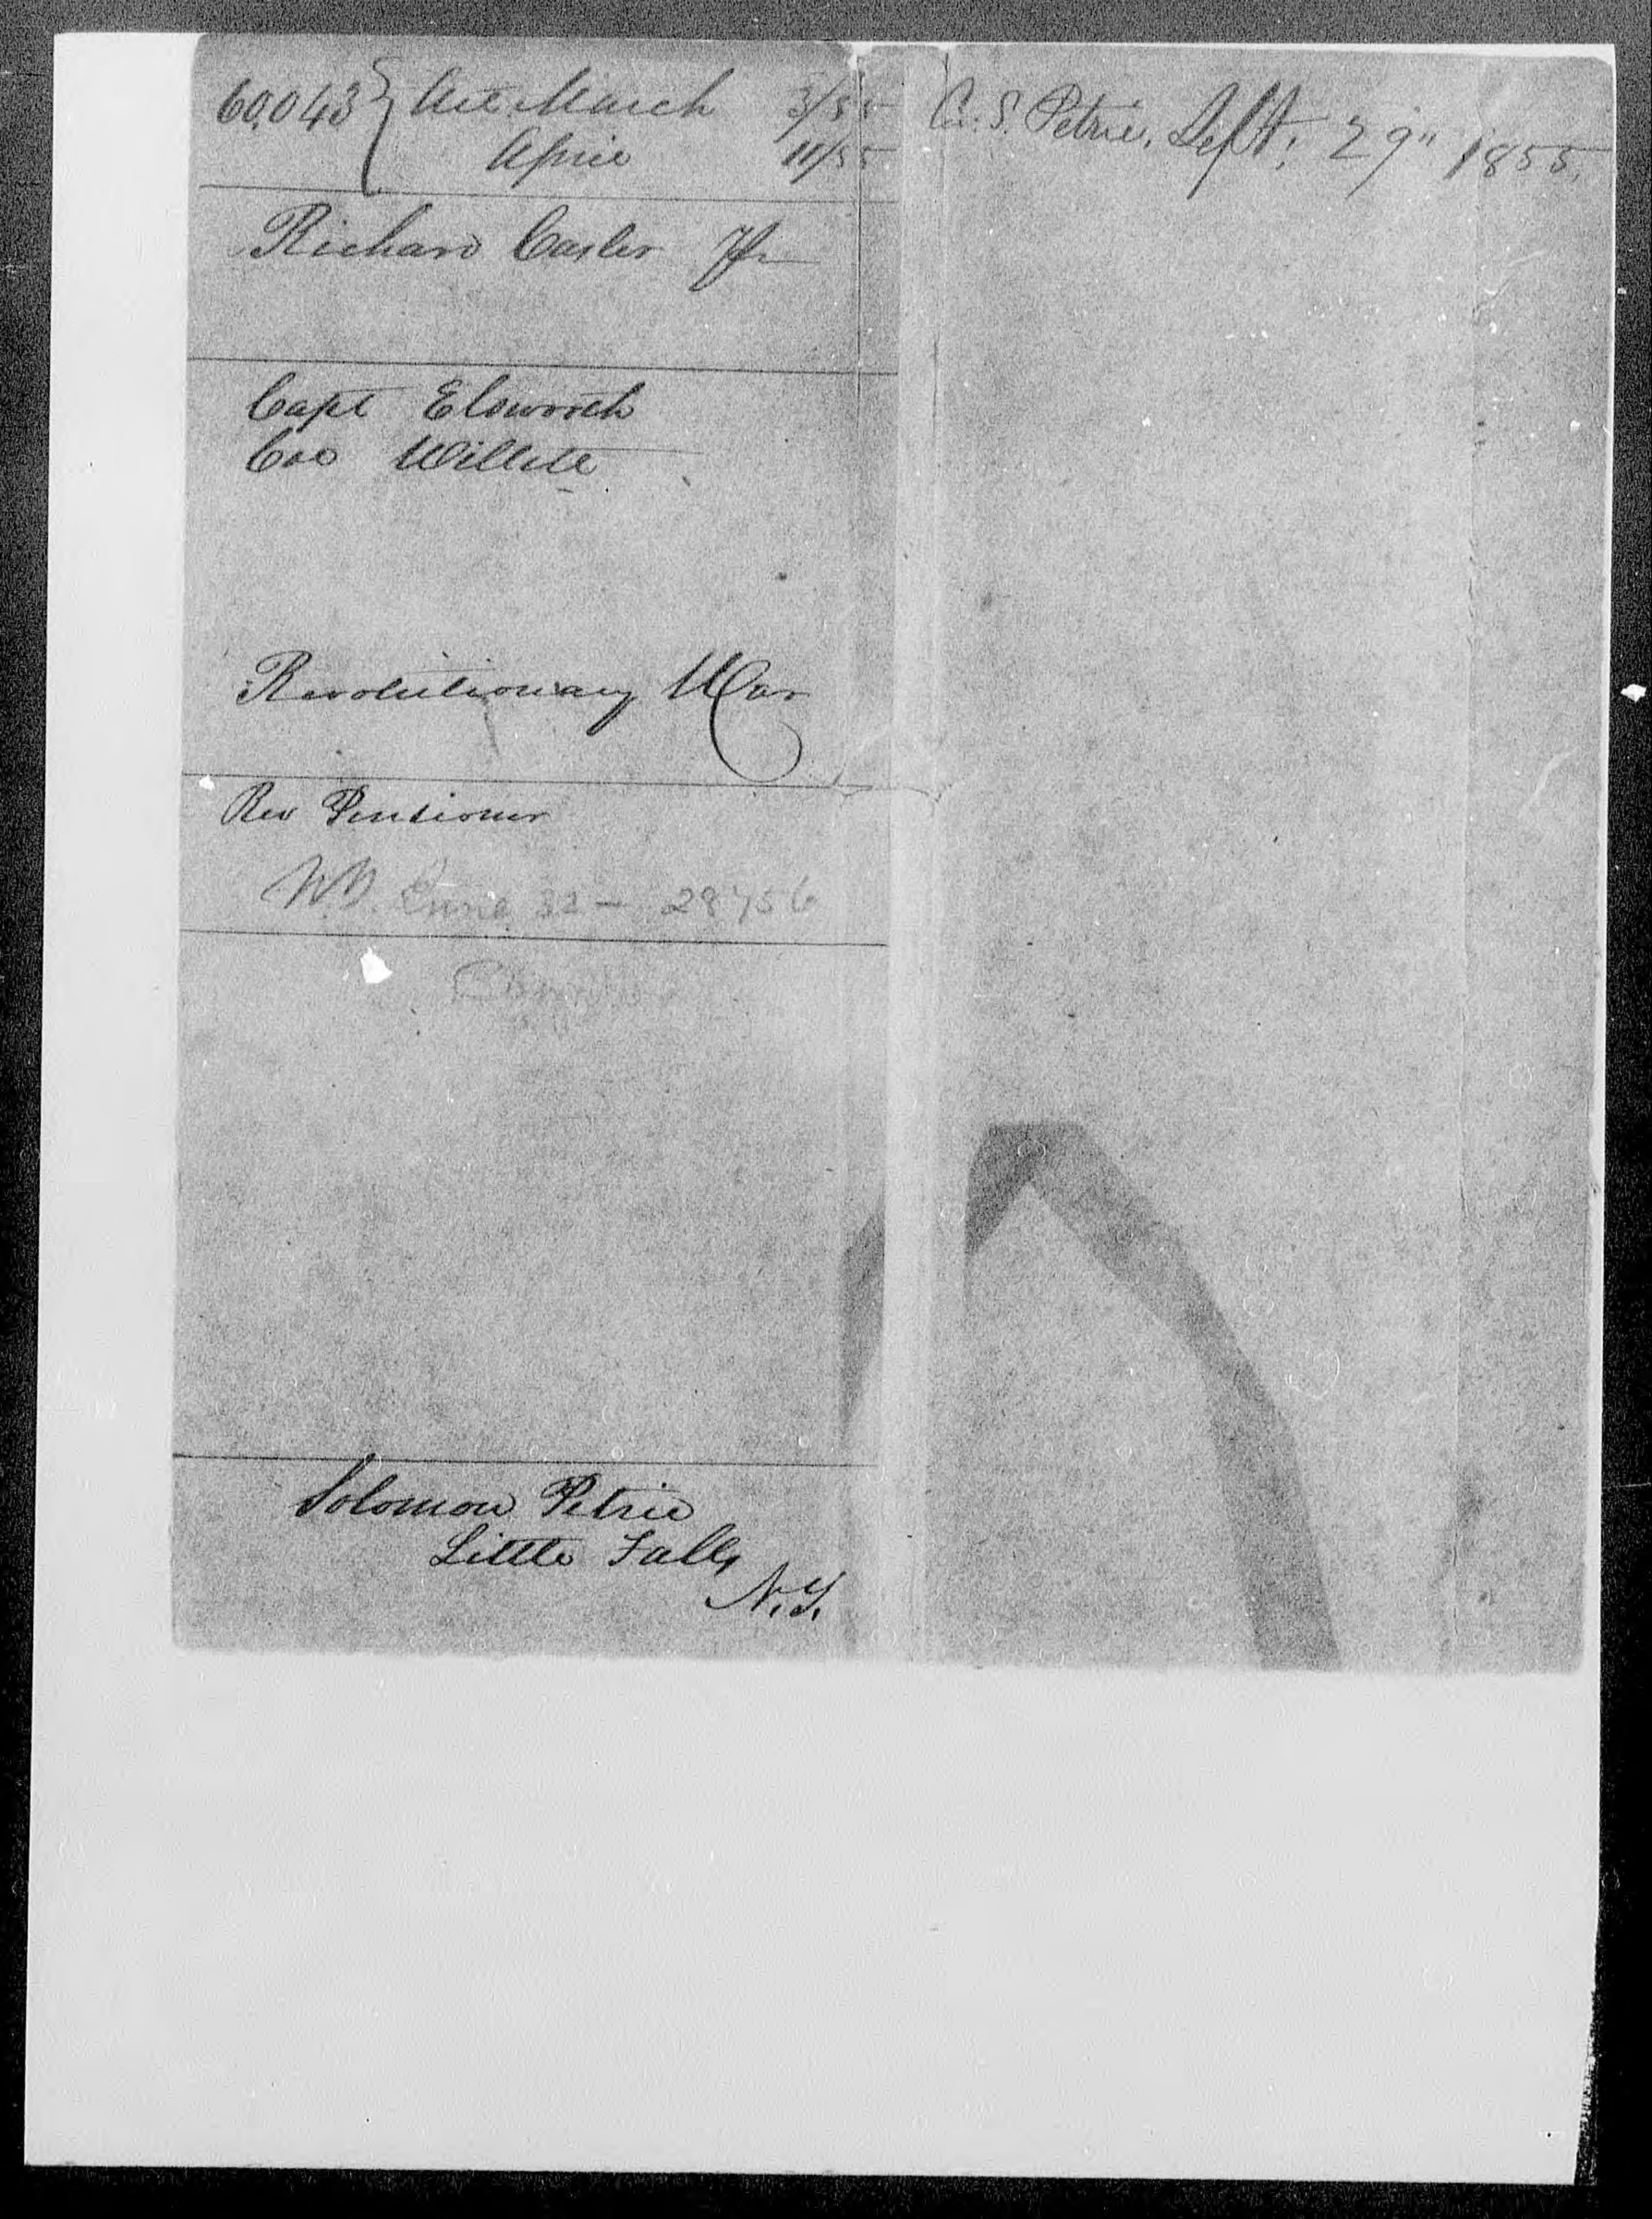60.043 Act March 3/55
April 11/55
Richard Casler Jr
Capt Elsworth 
Col Willett 
Revolutionary War 
Rev Pensioner 
N.Y. Enne. 32 – 28756
[illegible section]
Solomon Petrie 
Little Falls 
N. Y. 

Cir: S. Petrie, Sept. 29" 1855,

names: B S Petrie, Willett, Solomon Petrie, Richard Casler, Elsworth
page: 21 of 66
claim: widow's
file: W. 6637, Richard Caslar, New York